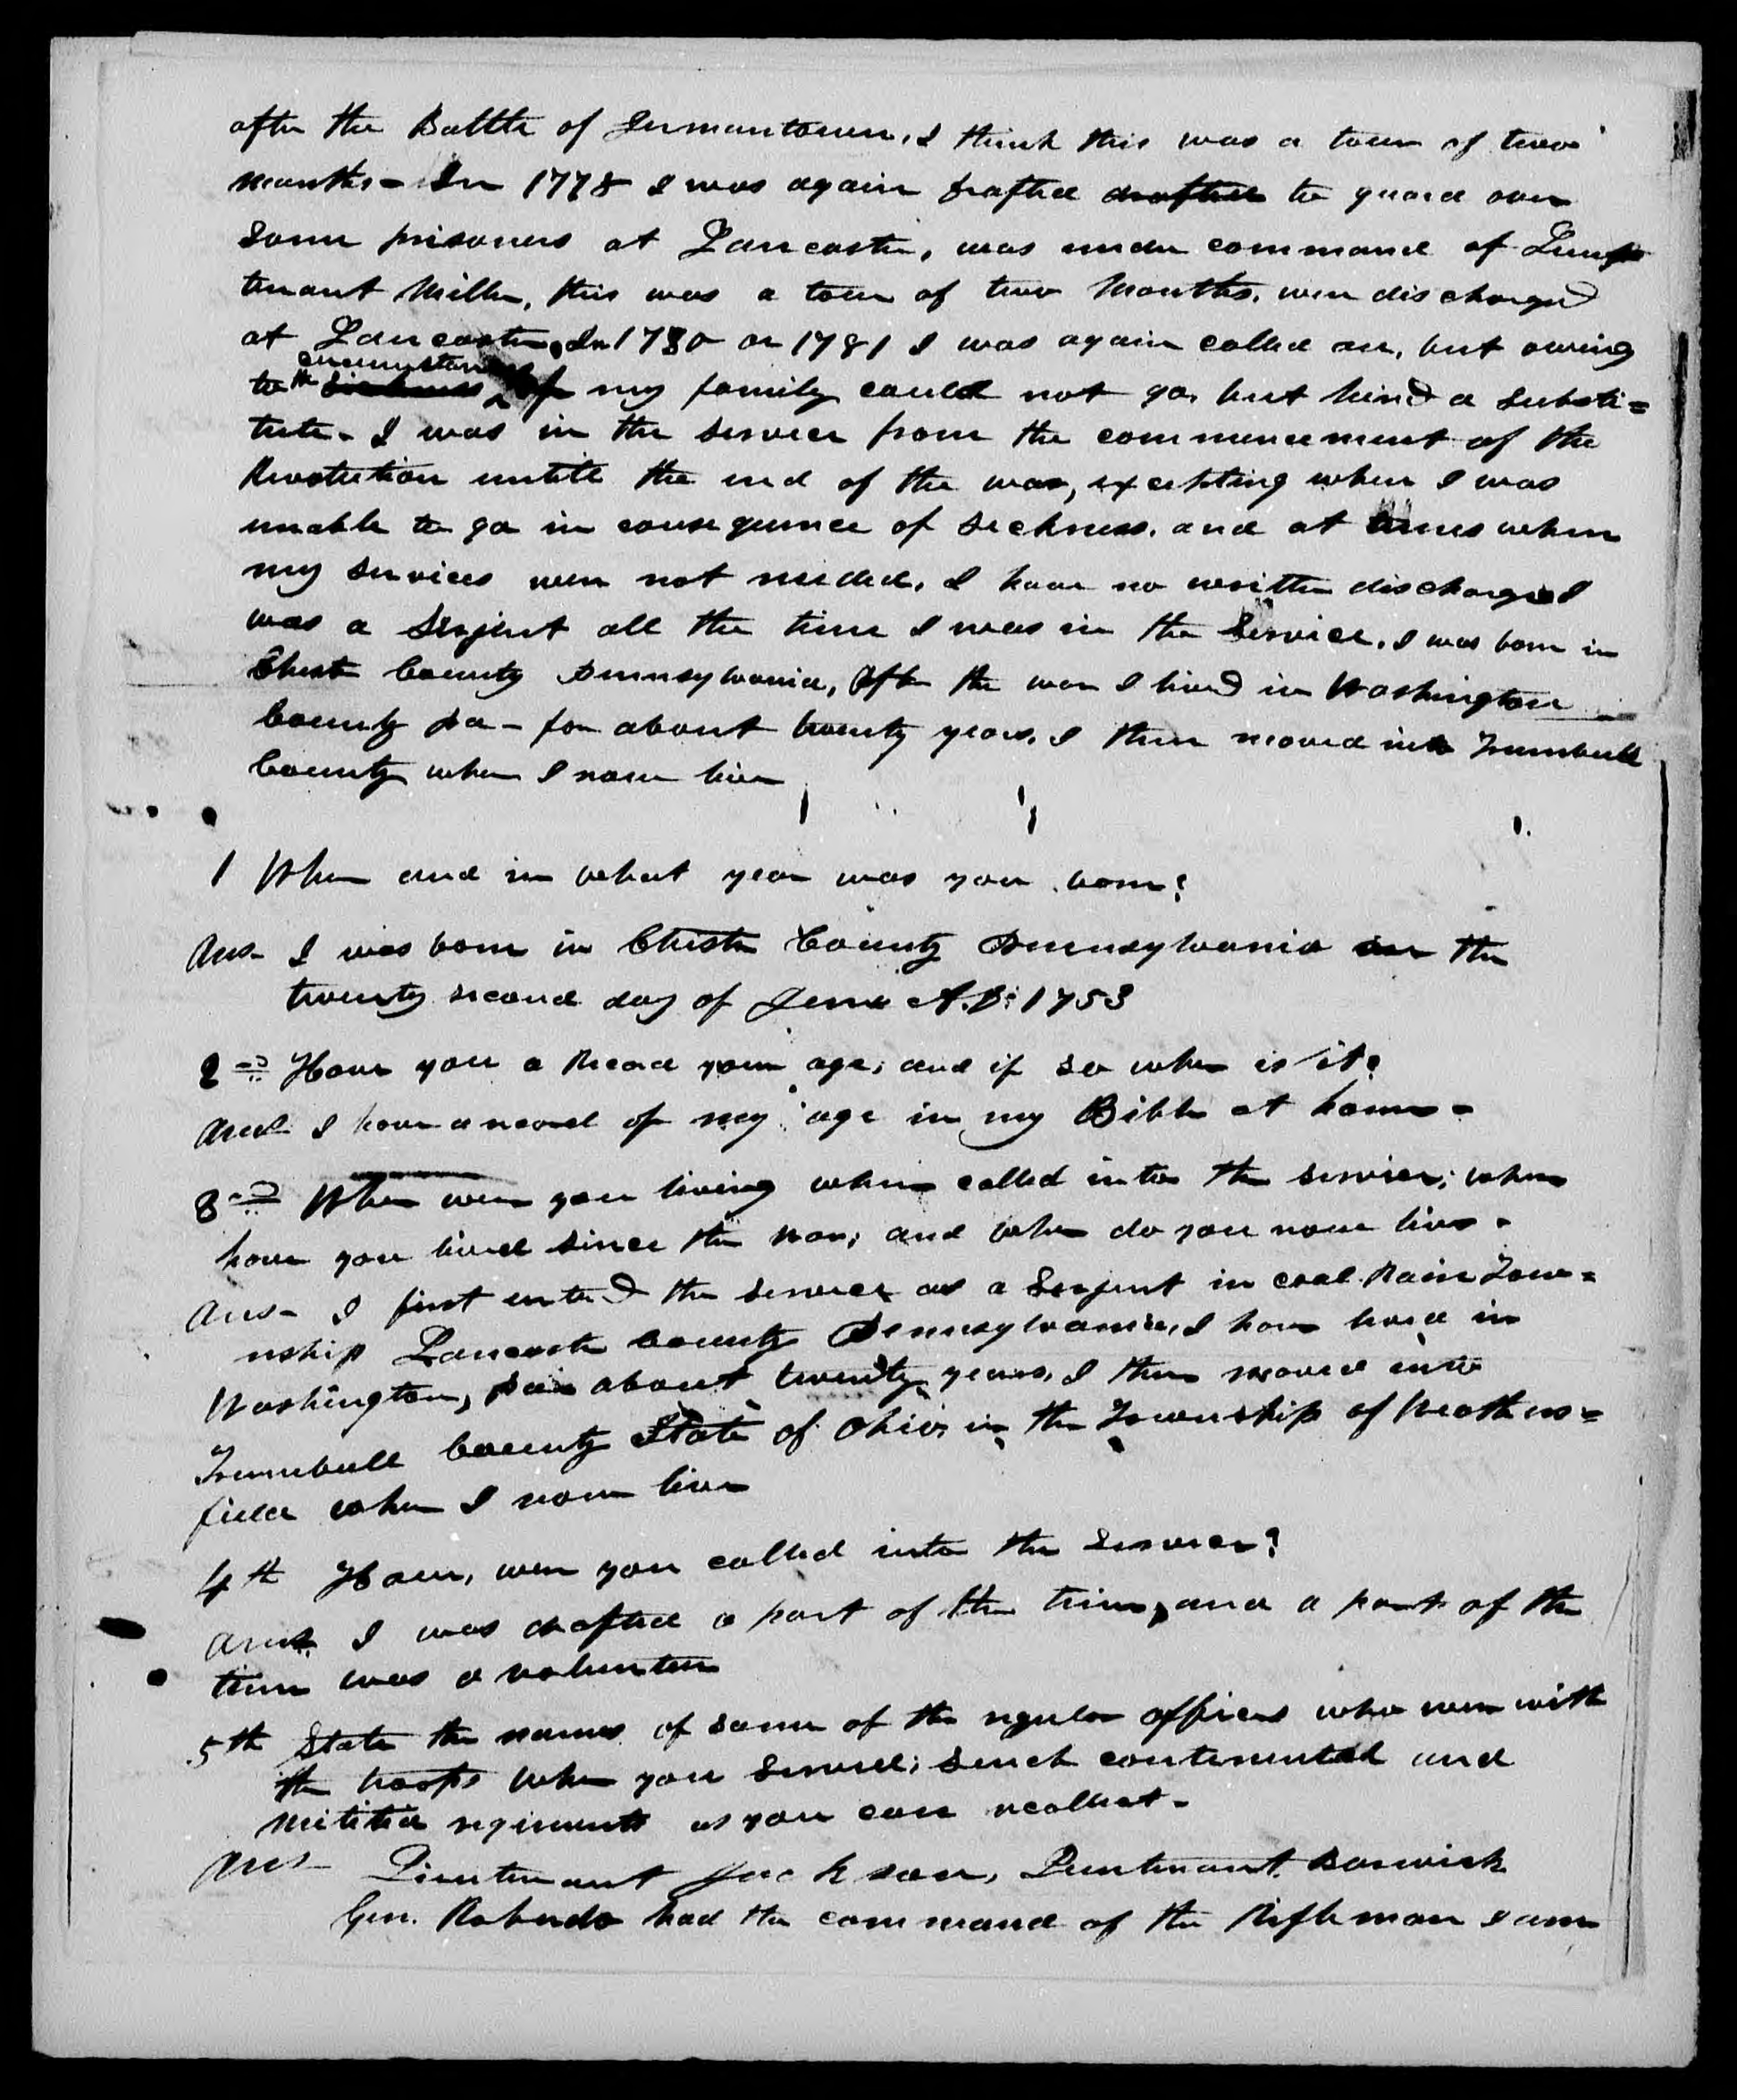after the Battle of Germantown, I think this was a tour of two
months. In 1778 I was again drafted to guard over
same prisoners at Lancaster, was under command of Lieutenant Miller, this was a tour of two months, were discharged
at Lancaster. In 1780 or 1781 I was again called on, but owing
to the circumstances of my family could not go, but hired a substitute. I was in the service from the commencement of the
Revolution untill the end of the war, excepting when I was
unable to go in consequence of sickness, and at times when
my services were not needed, I have no written discharge I
was a Serjent all the time I was in the service. I was born in
Chester County Pennsylvania, of the war I lived in Washington
County for about twenty years. I then moved into Trumbull
County where I now live
1 When and in what year was you born?
Ans. I was born in Chester County Pennsylvania on the
twenty second day of June A.D. 1753
2nd Have you a record your age; and if so where is it?
Ans. I have a record of my age in my Bible at home
3rd Where were you living when called into the service; where
have you lived since the war, and who do you now live
Ans - I first entered the service as a Sergent in Coalrain Township Lancaster County Pennsylvania. I have lived in
Washington, Pa about twenty years, I then moved to
Trumbull County State of Ohio in the Township of Weathersfield where I now live
4th How were you called into the service?
Ans I was drafted a part of the time and a part of the
time was a volunteer
5th State the names of some of the regular officers who were with the troops when you served; such continental and
militia regiments as you can recollecct
Ans Lieutenant Jackson, Lieutenant Boswick
Gen. Robards had the command of the Rifleman I am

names: Barwick, Roberts, Jackson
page: 5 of 24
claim: survivor's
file: S. 15,415, William Dunlap, Penn.